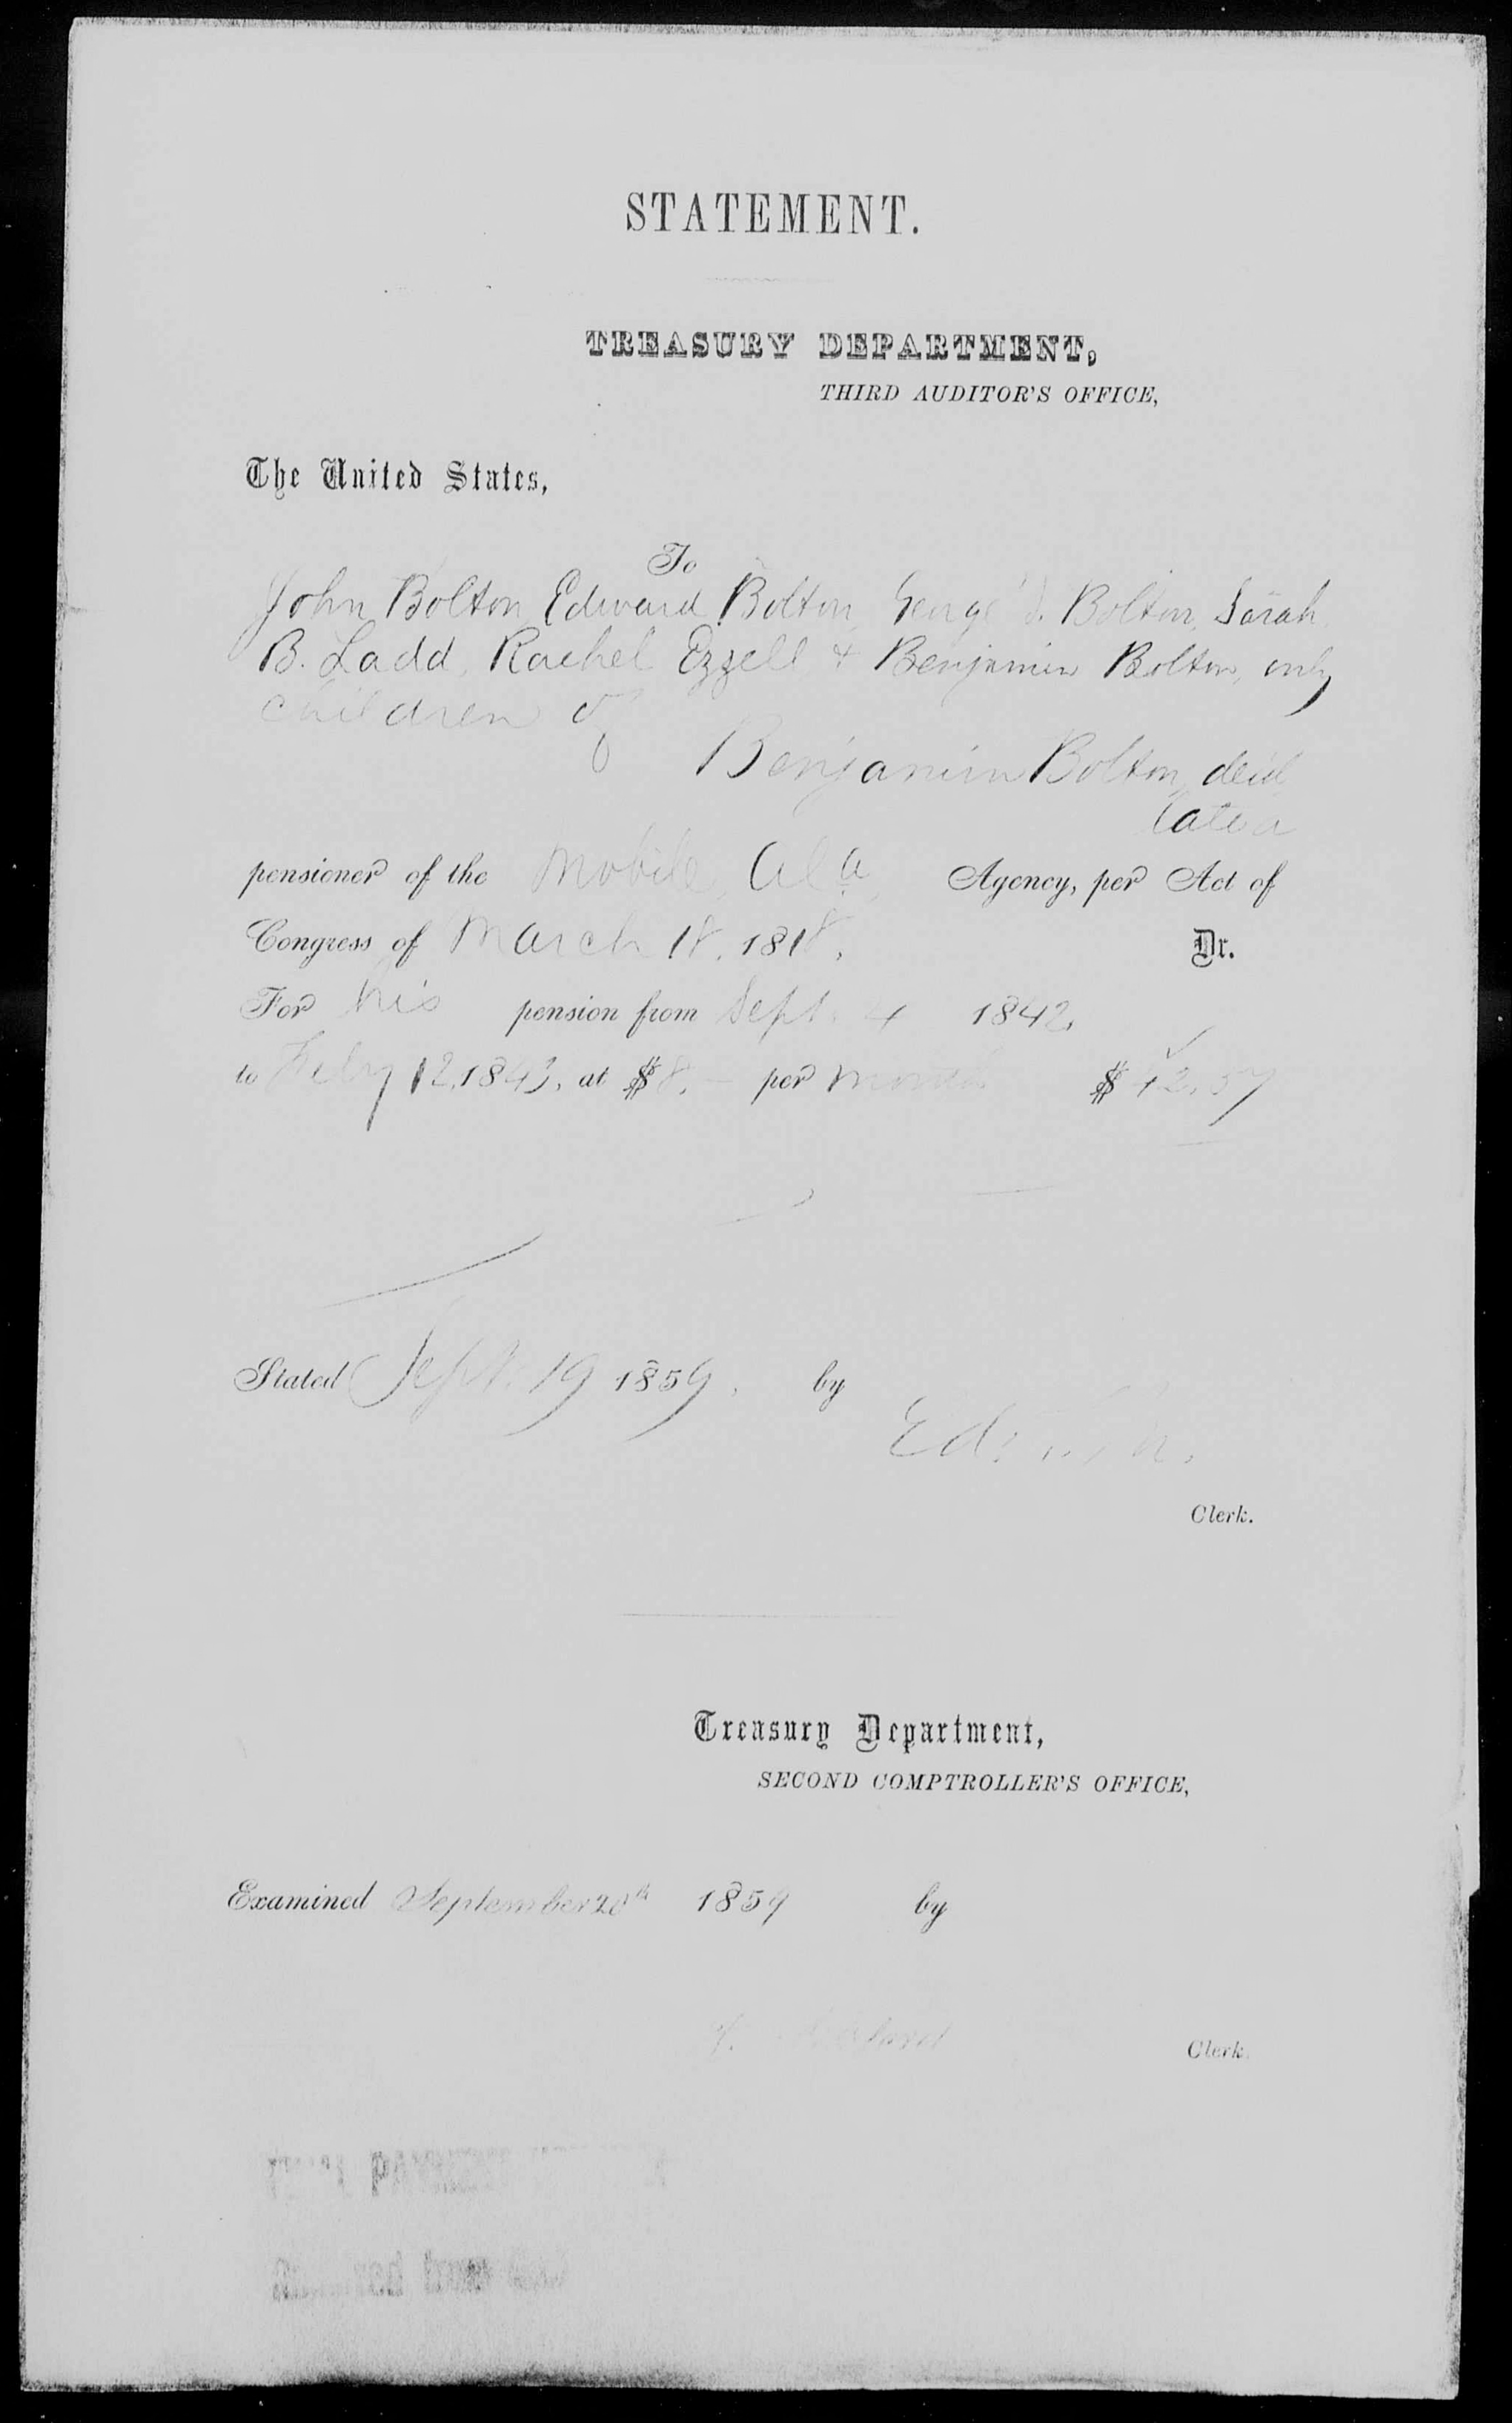To John Bolton, Edward Bolton, George Bolton, Sarah B. Ladd, Rachel Ezzell & Benjamin Bolton only children of Benjamin Bolton decd late a pensioner of the Mobile, Alabama Agency per Act of Congress of March 18,1818 

For his pension from Sept of 1842 to July 12 1843 at $8.** per month $42.57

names: Benjamin Bolton, Rachel Ezzell, Sarah B Ladd, F, Benjamin Bolton, John Bolton, Edwards, Edward Bolton, George T Bolton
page: 5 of 29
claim: survivor's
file: S. 37,795, Benjamin Bolton, N.C.